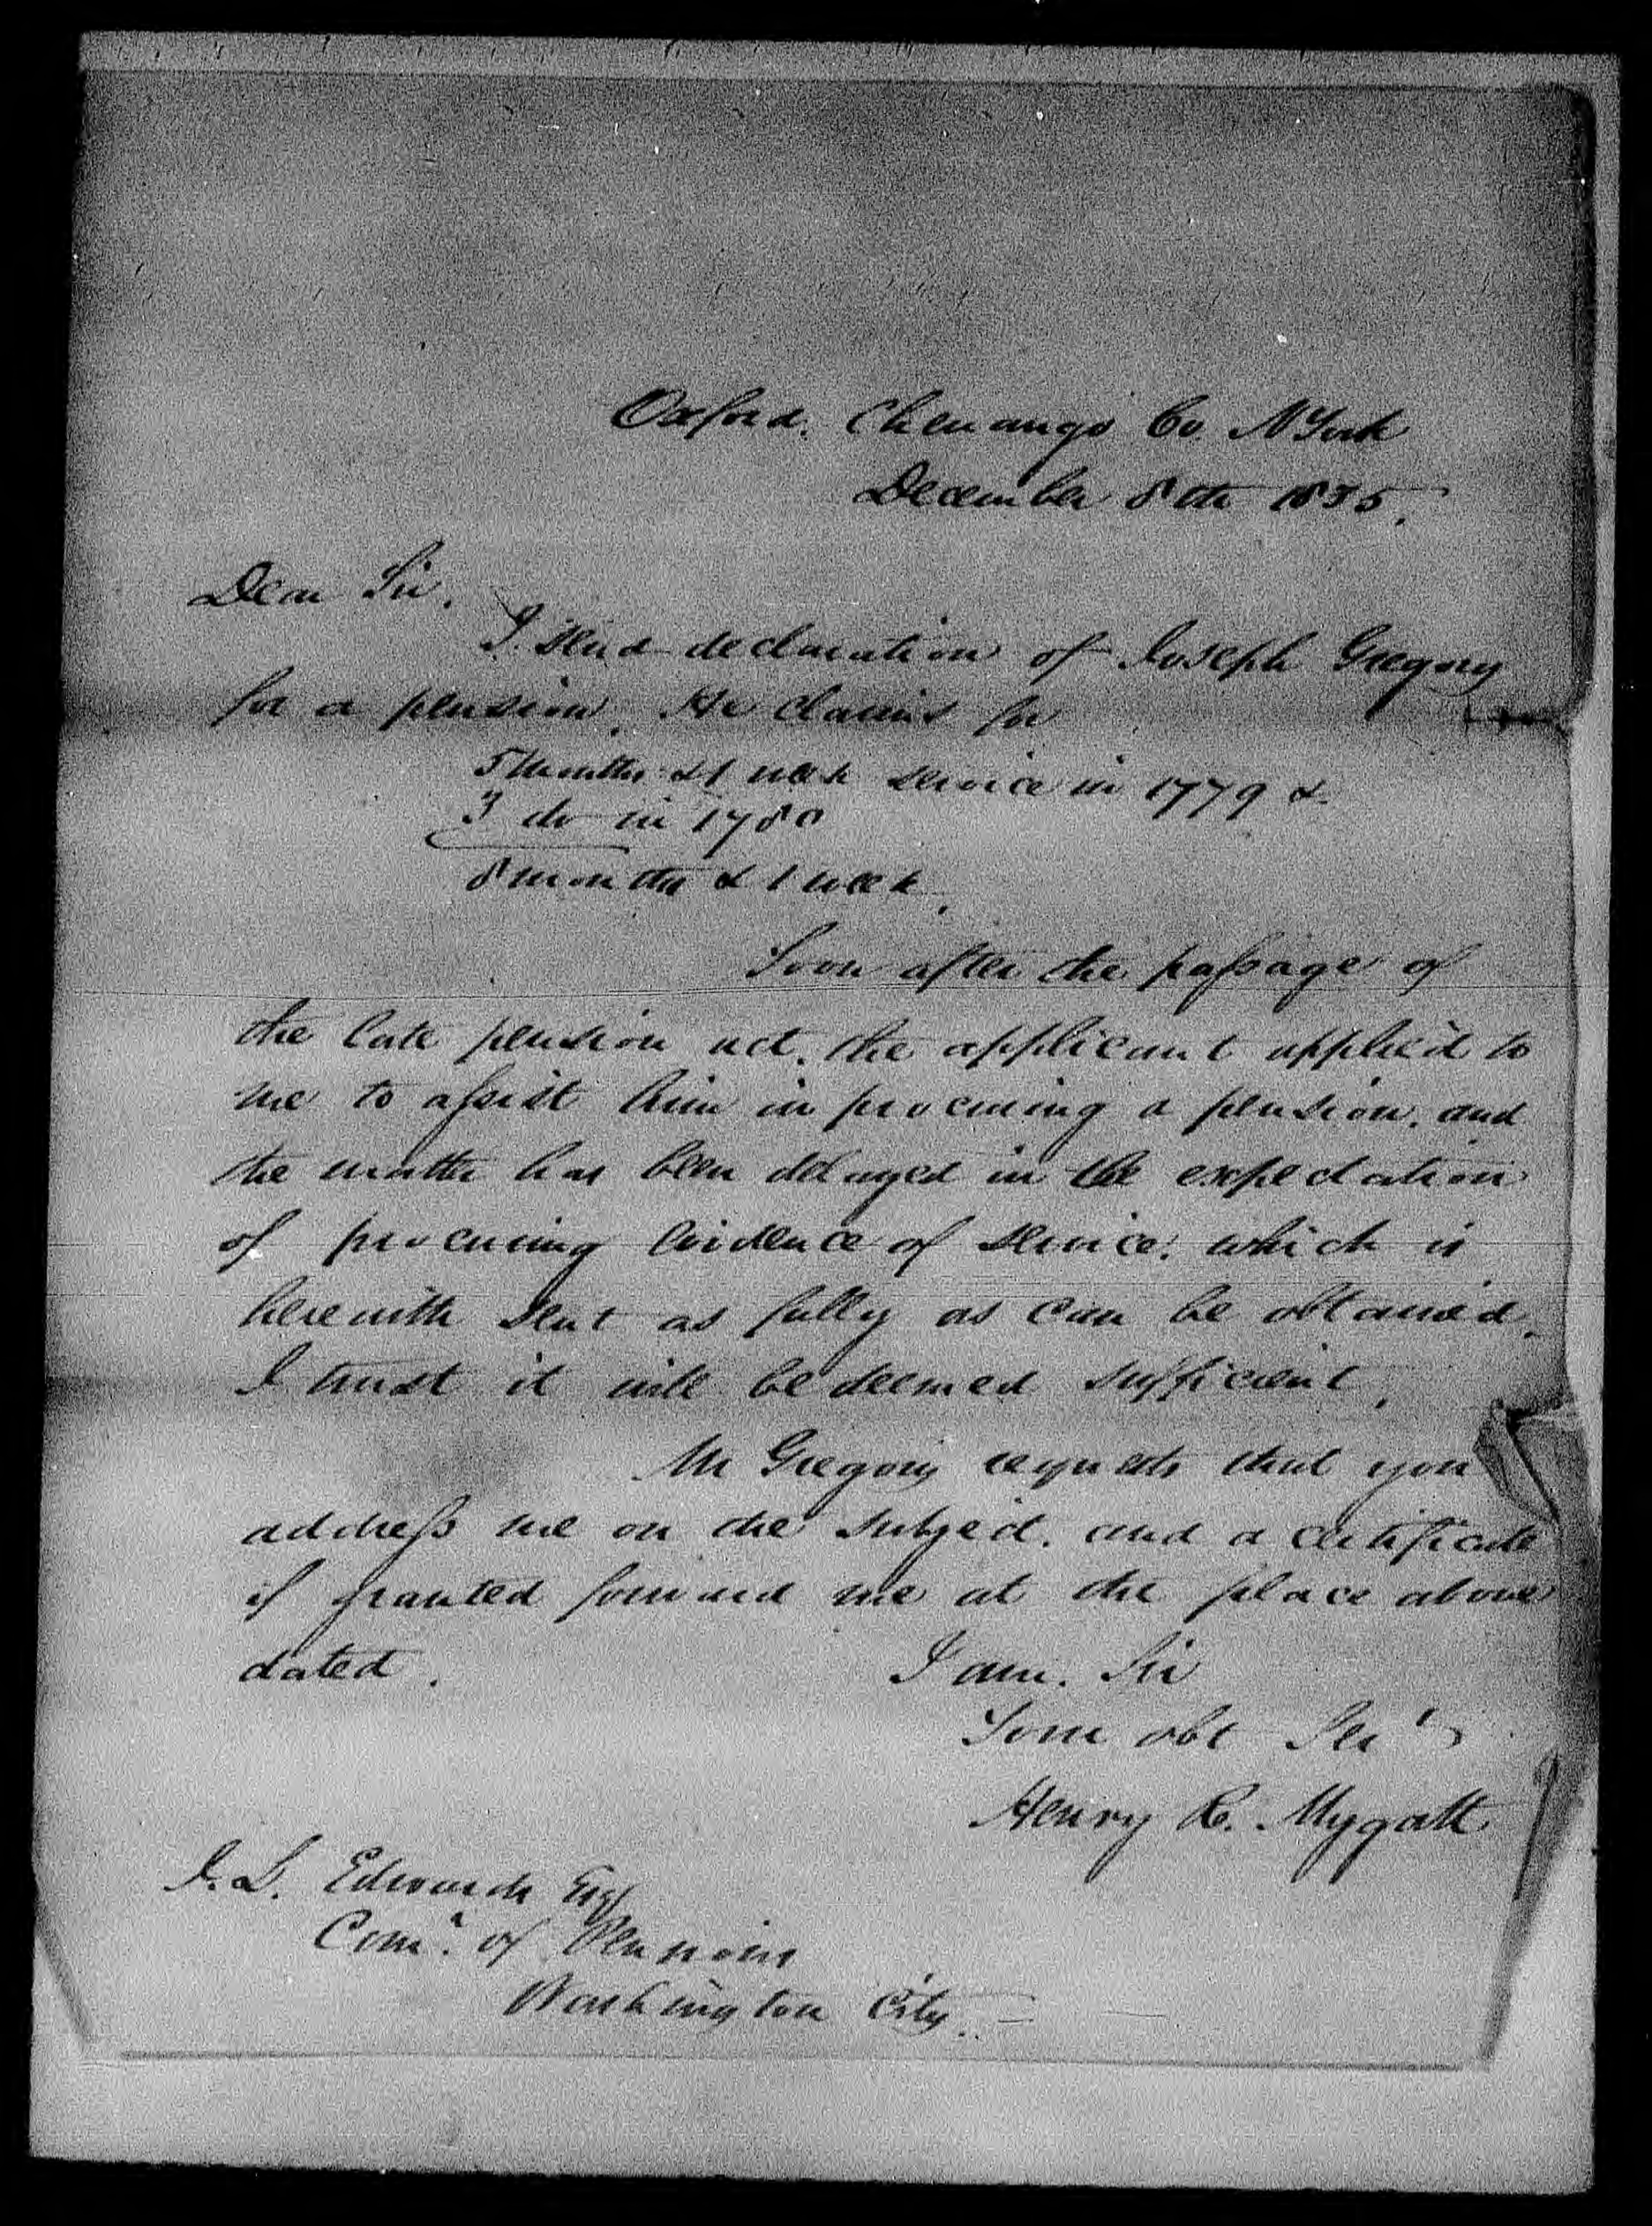Oxford, Chenango Co N.York
December 8th, 1835
Dear Sir,
I send declaration of Joseph Gregory for a pension. He claims for
5 months & 1 week service in 1779 &
3 months in 1780
_____
8 months & 1 week
Soon after the passage of the late pension act the applicant applied to me to assist him in procuring a pension, and the matter has been delayed in the expectation of procuring evidence of service which is herewith sent as fully as can be obtained. I trust it will be deemed sufficient.
Mr. Gregory requests that you address me on the subject, and a certificate if granted forwarded me at the place above dated.
I am, Sir
Your Obt Servt
Henry R. Mygatt

J. L. Edwards Esq
Commr of Pensions
Washington City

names: Joseph Gregory, J L Edwards, Henry R Mygatt, Gregory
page: 24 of 34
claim: widow's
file: W. 1596, Joseph Gregory, Conn.